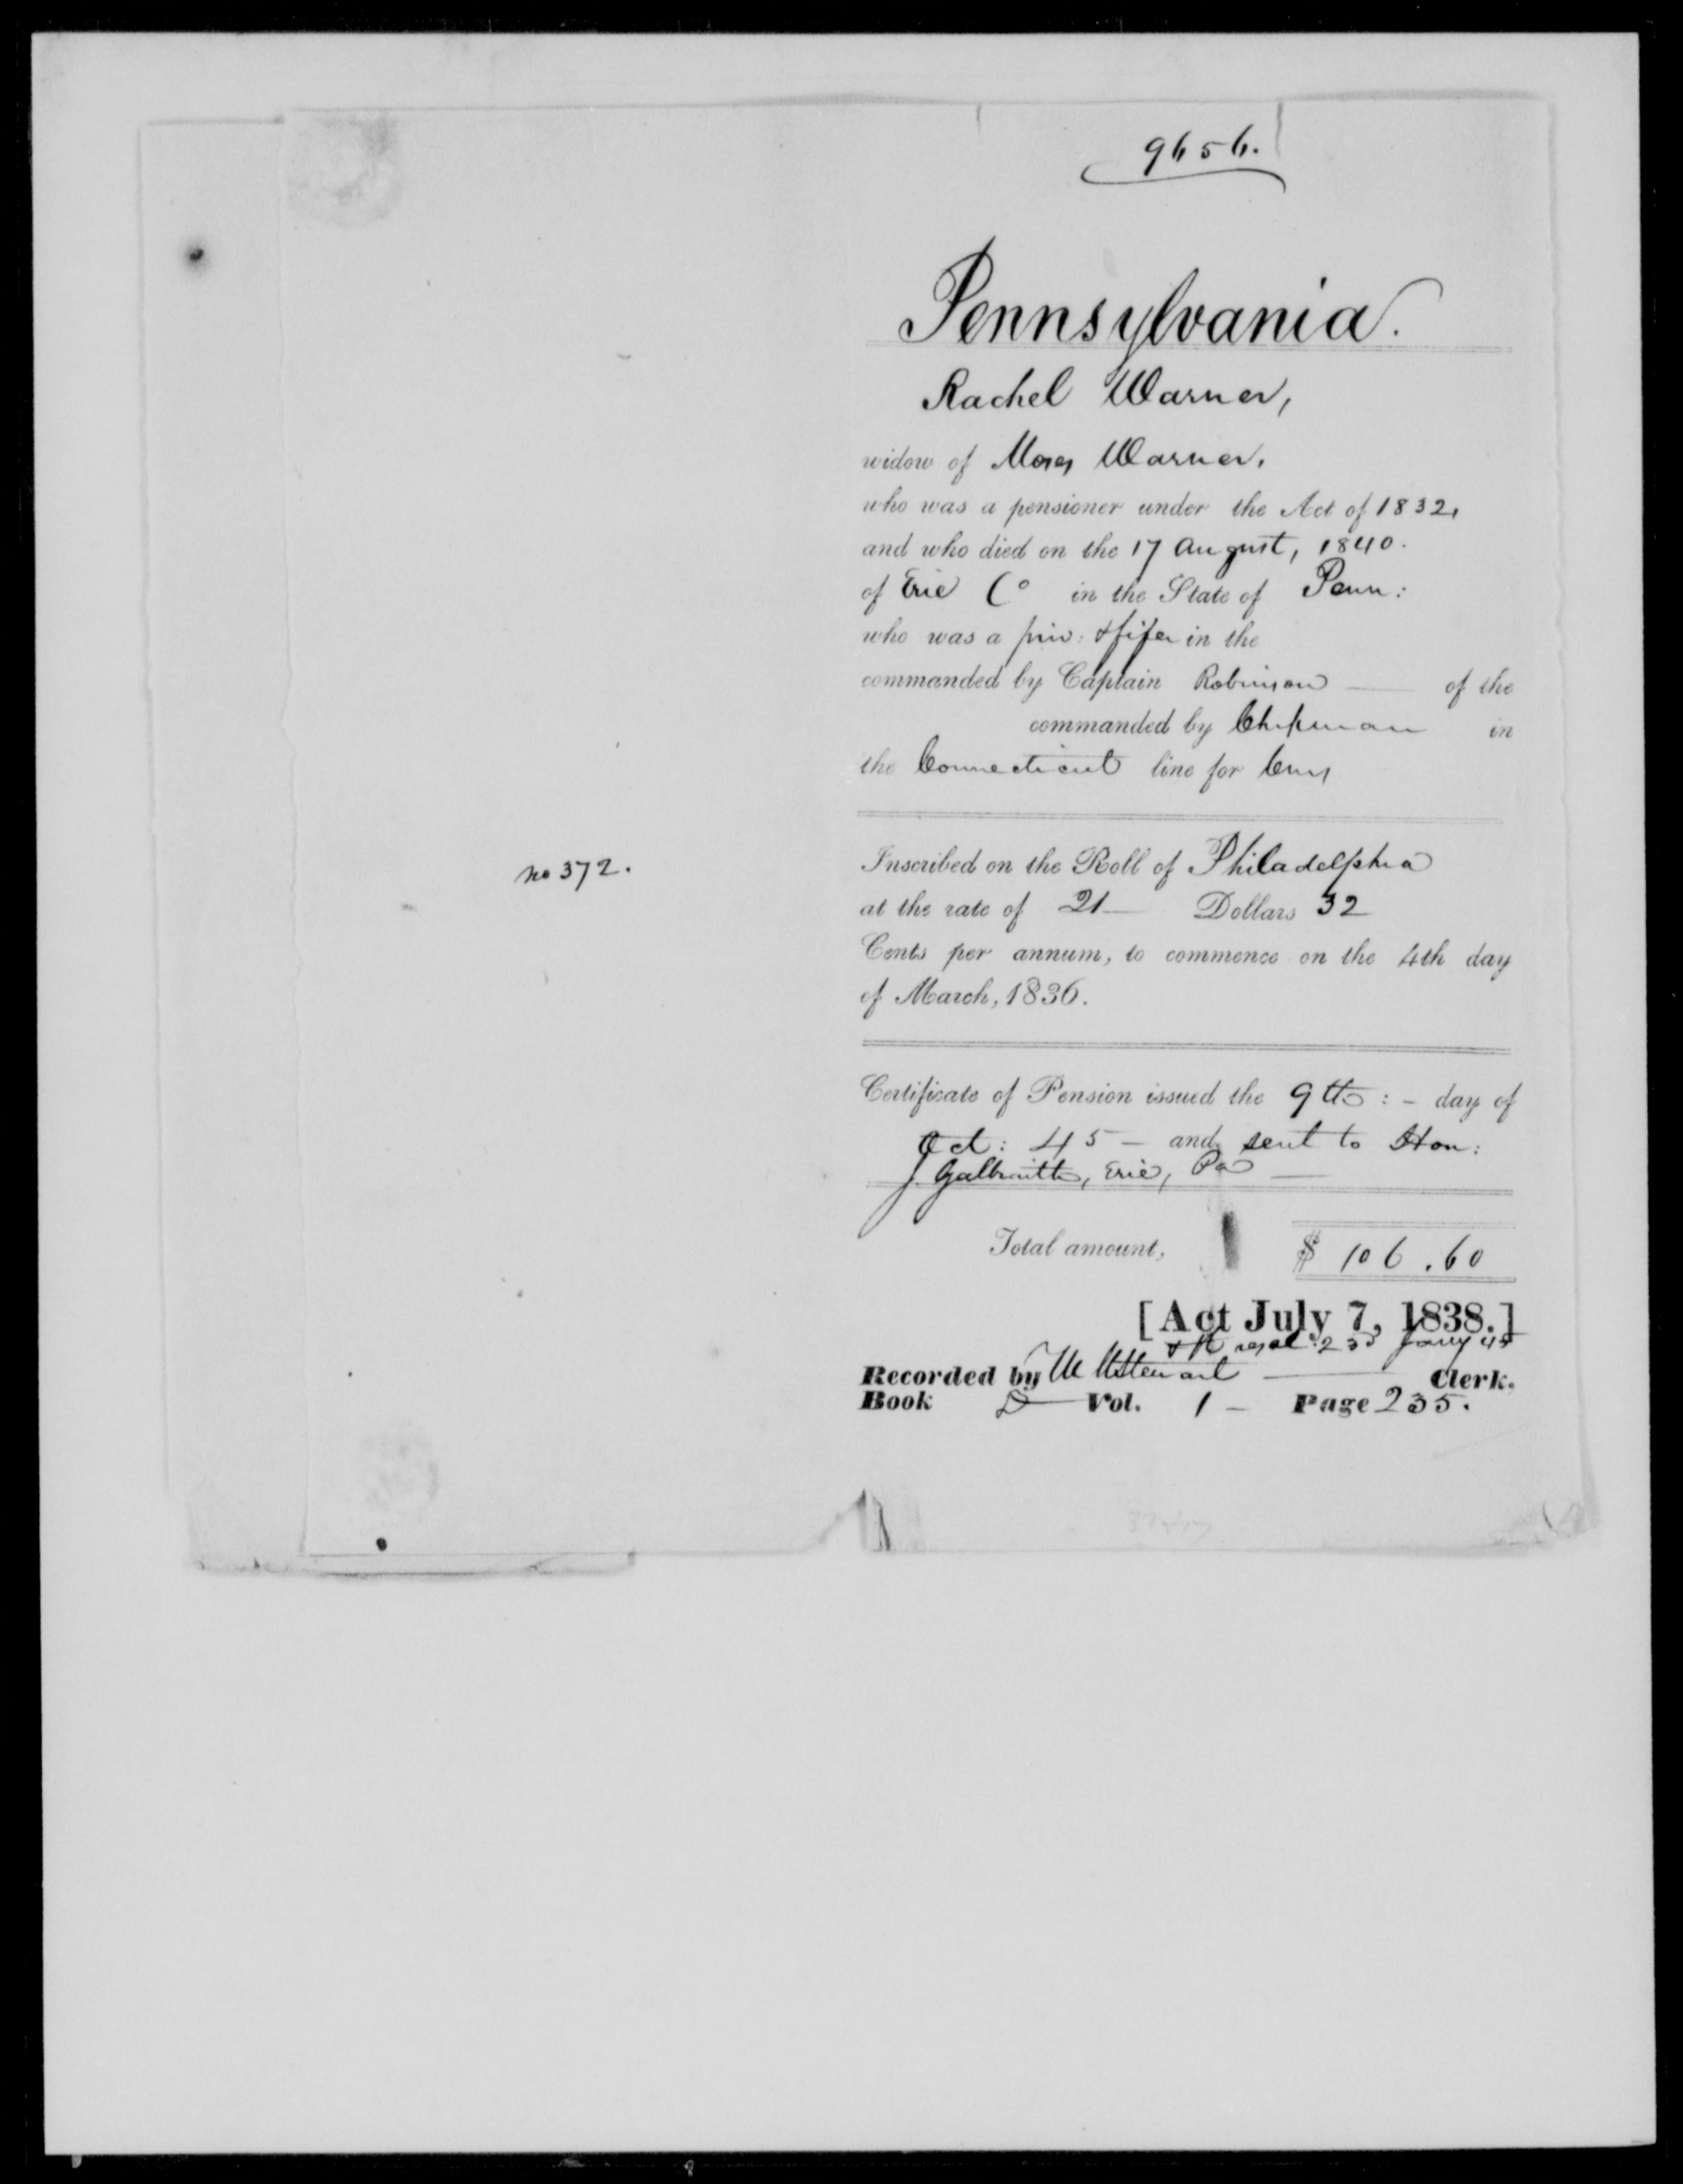9656
-------
Pennsylvania
--------------------------------------------------
Rachel Warner,
widow of Moses Warner,
who was a pensioner under the Act of 1832,
and who died on the 17 August, 1840, 
of Erie Co. in the State of Penn,
who was a prv & fifer in the ___________________
commanded by Captain Robinson of the
___________ commanded by Chapman in
the Connecticut line for 6 mos
--------------------------------------------------
Inscribed on the Roll of Philadelphia
at the rate of 21 Dollars  32
Cents per annum, to commence on the 4th day
of March, 1836
--------------------------------------------------
Certificate of Pension issued the 9th day of
Oct 45 and sent to Hon. 
J. Galbraith, Erie, Pa.
---------------------------------------------------
Total amount,                   $106.60
                                         ----------

[Act July 7, 1838.]
& the act  2d Jany 45

Recorded by W H Stewart     Clerk.
Book    D        Vol.   1     Page 235

No.  372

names: Chapman, Rachel Warner, J Galbraith, W H Stewart, Moses Warner, Robinson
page: 33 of 40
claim: widow's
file: W. 3742, Moses Warner, Conn.